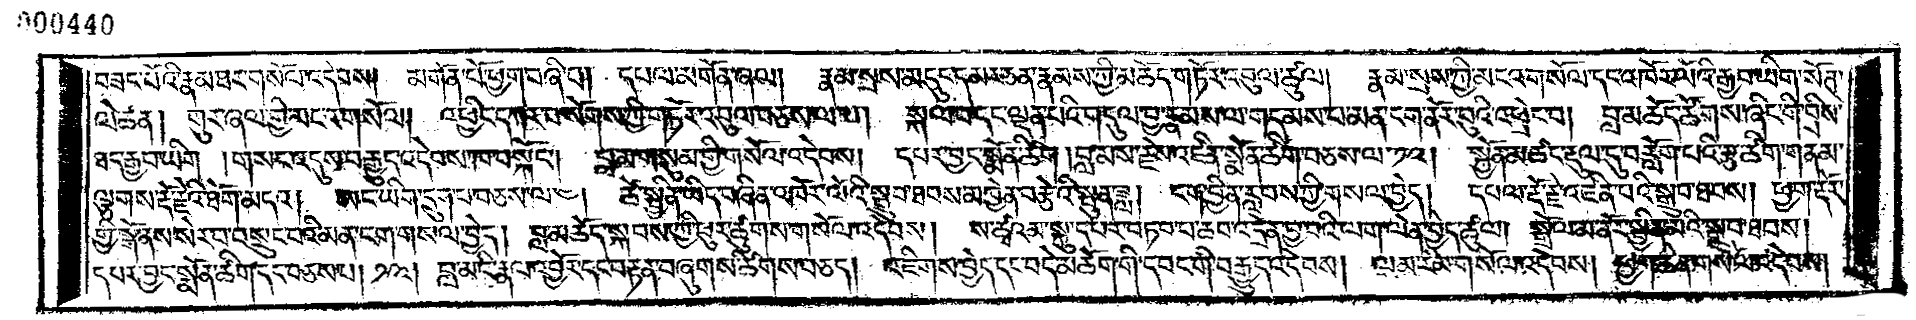བཟང་པོའི་རྣམ་ཐར་གསོལ་འདེབས། མགོན་པོ་ཕྱག་བཞི་པ། དཔལ་མགོན་ཞལ། རྣམ་སྲས་མདུང་དམར་ཅན་རྣམས་ཀྱི་མཆོད་གཏོར་འབུལ་ཚུལ། རྣམ་སྲས་ཀྱི་མངའ་གསོལ་དང་འཁོར་ལོའི་རྒྱབ་ཡིག་སོཌ་
ལེ་ཚན། གུར་ཞལ་གྱི་མངའ་གསོལ། འཕྱིང་དཀར་བ་སོགས་ཀྱི་གཏོར་འབུལ་བཅས་ལ༥། སྐལ་བ་དང་ལྡན་པའི་གདུལ་བྱ་རྣམས་ལ་གདམས་པ་མན་ངག་ནོར་བུའི་འཕྲེང་བ། བླ་མཆོད་ཚོགས་ཞིང་གི་བྲིས་
ཐང་རྒྱབ་ཡིག །གསང་འདུས་བརྒྱུད་འདེབས་ཁ་བསྐོང་། བླ་མ་གསུམ་གྱི་གསོལ་འདེབས། དཔར་བྱང་སྨོན་ཚིག །བླ་མས་རྗེས་འཛིན་སྨོན་ཚིག་བཅས་ལ༡༢། སྐྱོན་མཚང་རྡུལ་དུ་བརློག་པའི་རྩ་ཚིག་གནམ་
ལྕགས་རྡོ་རྗེའི་ཐོག་མདའ། ཨང་ཡིག་དྲུང་པ་བཅས་ལ ༤། ཚེ་སྦྱིན་ཡིད་བཞིན་འཁོར་ལོའི་སྒྲུབ་ཐབས་མཁྱེན་བརྩེའི་སྤུན་ཟླ། ངག་བྱིན་རླབས་ཀྱི་གསལ་བྱེད། དཔལ་རྡོ་རྗེ་འཛིན་པའི་སྒྲུབ་ཐབས། ཕྱག་རྡོར་
གྱི་སྒོ་ནས་སེར་བ་བསྲུང་བའི་མན་ངག་གསལ་བྱེད། བླ་མཆོད་སྐབས་ཀྱི་ཕུར་ཚུགས་གསོལ་འདེབས། ས་ཚྭའམ་སྐུ་དཔར་བཏབ་པ་ཆབ་འདྲེན་བྱ་བའི་ལག་ལེན་བྱེད་ཚུལ། སྒྲོལ་མ་ནོར་སྦྱིན་མའི་སྒྲུབ་ཐབས།
དཔར་བྱང་སྨོན་ཚིག་དང་བཅས་པ། ༡༣། བླ་མའི་རྣལ་འབྱོར་དང་བརྟན་བཞུགས་ཚིགས་བཅད། འཇིགས་བྱེད་དང་བདེ་མཆོག་གི་དབང་གི་བརྒྱུད་འདེབས། ལམ་རིམ་གསོལ་འདེབས། ཕྱག་ཆེན་གསོལ་འདེབས།